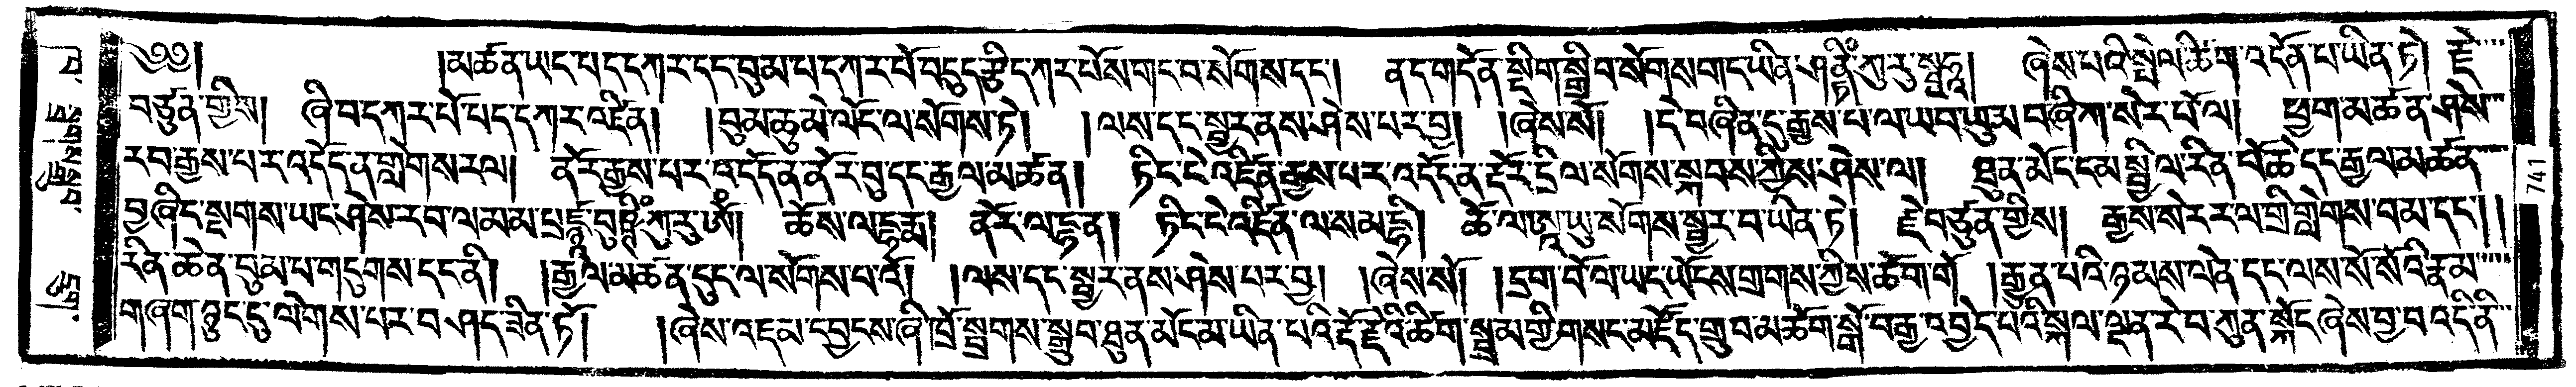༄༅། །མཚན་ཡང་པད་དཀར་དང་བུམ་པ་དཀར་པོ་བདུད་རྩི་དཀར་པོས་གང་བ་སོགས་དང་། ནད་གདོན་སྡིག་སྒྲིབ་སོགས་གང་ཡིན་ཤནྟིཾ་ཀུ་རུ་སྭཱཧཱ། ཞེས་པའི་སྤེལ་ཚིག་འདོན་པ་ཡིན་ཏེ། རྗེ་
བཙུན་གྱིས། ཞི་བ་དཀར་པོ་པད་དཀར་འཛིན། །བུམ་ཆུ་མེ་ལོང་ལ་སོགས་ཏེ། །ལས་དང་སྦྱར་ནས་ཤེས་པར་བྱ། །ཞེས་སོ། །དེ་བཞིན་དུ་རྒྱས་པ་ལ་ཡབ་ཡུམ་བཞི་ཀ་སེར་པོ་ལ། ཕྱག་མཚན་ཤེས་
རབ་རྒྱས་པར་འདོད་ན་གླེགས་རལ། ནོར་རྒྱས་པར་འདོད་ན་ནོར་བུ་དང་རྒྱལ་མཚན། ཏིང་ངེ་འཛིན་རྒྱས་པར་འདོད་ན་རྡོར་དྲིལ་སོགས་སྐབས་ཀྱིས་ཤེས་ལ། ཐུན་མོང་ངམ་སྦྱིལ་རིན་པོ་ཆེ་དང་རྒྱལ་མཚན་
བྱ་ཞིང་སྔགས་ཡང་ཤེས་རབ་ལམ་མ་པྲཛྙཱ་པུཥྚིཾ་ཀུ་རུ་ཨོཾ། ཆོས་ལ་དྷརྨ། ནོར་ལ་དྷ་ན། ཏིང་ངེ་འཛིན་ལས་མ་དྷི། ཚེ་ལ་ཨཱ་ཡུ་སོགས་སྦྱར་བ་ཡིན་ཏེ། རྗེ་བཙུན་གྱིས། རྒྱས་སེར་རལ་གྲི་གླེགས་བམ་དང།།
རིན་ཆེན་བུམ་པ་གདུགས་དང་ནི། །རྒྱལ་མཚན་དུང་ལ་སོགས་པའོ། །ལས་དང་སྦྱར་ནས་ཤེས་པར་བྱ། །ཞེས་སོ། །དྲག་པོ་ལ་ཡང་ཡོངས་གྲགས་ཀྱིས་ཆོག་གོ །རྒྱུན་པའི་ཉམས་ལེན་དང་ལས་སོ་སོའི་རྣམ་
གཞག་ཉུང་ངུ་ལེགས་པར་བཤད་ཟིན་ཏོ། །ཞེས་འཇམ་དབྱངས་ཞི་ཁྲོ་སྦྲགས་སྒྲུབ་ཐུན་མོང་མ་ཡིན་པའི་རྡོ་རྗེའི་ཚིག་སྦྲམ་གྱི་གསང་མཛོད་གྲུབ་མཆོག་སྒོ་བརྒྱ་འབྱེད་པའི་སྐལ་ལྡན་རེ་བ་ཀུན་སྐོང་ཞེས་བྱ་བ་འདི་ནི་